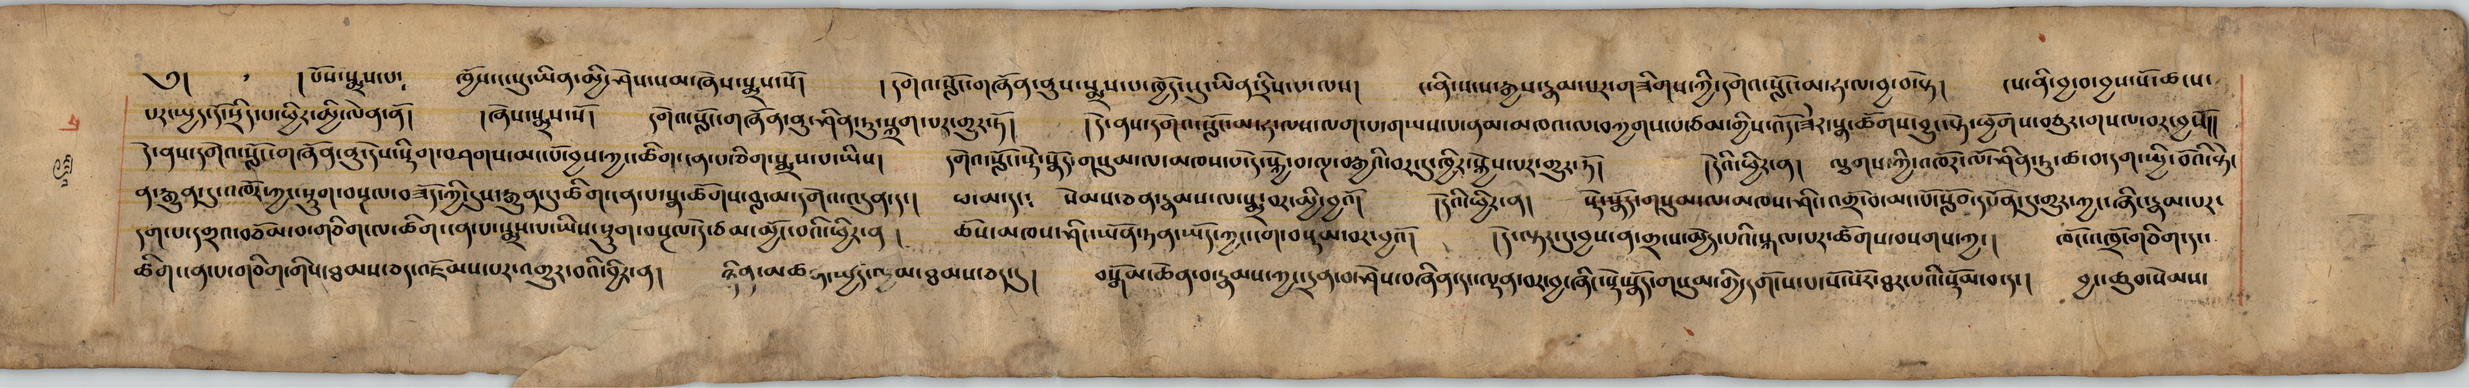༅། །པོས་སྨྲས་པ་ ཁྱོས་ང་སུ་ཡིན་མྱི་ཤེས་སམ་ཞེས་སྨྲས་སོ། ། དགེ་སློང་གཞོན་ནུས་སྨྲས་པ་ཁྱོད་སུ་ཡིན་དྲིས་པ་ལས། ང་ནི་སངས་རྒྱས་རྣམ་པར་གཟིགས་ཀྱི་དགེའ་སློང་མ་ཧ་ལ་བྱ་བ་སྟེ། ངས་ནི་བྱ་བ་བྱས་སོ་ཚངས་
པར་སྤྱད་དོ་སྲིད་པ་ཕྱིར་མྱི་ལེན་ནོ། །ཞེས་སྨྲས་སོ། དགེའ་སློང་གཞོན་ནུ་ཤིན་ཏུ་སྐྲག་པར་གྱུར་ཏོ། །དེ་ནས་དགེའ་སློང་མ་ཧ་ལས་ལག་པ་གཡས་པ་ནམ་མཁའ་ལ་བཀྱགས་པ་ཙམ་གྱིས་འོད་ཟེར་སྣ་ཚོགས་བྱུང་སྟེ་ཕྱོགས་བཅུར་གསལ་བེ་བྱསོ།།
དེ་ནས་དགེའ་སློང་གཞོན་ནུ་དེས་སྡིག་བགས་མང་པོ་བྱས་ཀྱང་ཚིག་ངན་པ་ཅིག་སྨྲས་པ་ཡིས། དགེའ་སློང་སྡེ་སྣོད་གསུམ་ལ་མཁས་པ་དེ་སྐྱེ་བ་ལྔ་བརྒྱའི་བར་དུ་ཁྱིར་སྐྱེས་པར་གྱུར་ཏོ། །དེའི་ཕྱིར་ན། ལྕགས་ཀྱི་འཁོར་ལོ་ཤིན་ཏུ་ཚ་བ་དག་སྤྱི་བོའི་སྟེ་
ན་རྒྱུན་དུ་འཁོར་ཀྱང་སྡུག་བསྔལ་བཟོད་ཀྱི་དུས་རྒྱུན་དུ་ཚིག་ངན་པ་སྣ་ཚོགས་བླ་མ་དགེའ་འདུན་དང། ཕ་མ་དང༴ སེམས་ཅན་རྣམས་ལ་སྨྲ་བར་མྱི་བྱའོ། །དེའི་ཕྱིར་ན། སྡེ་སྣོད་གསུམ་ལ་མཁས་ཤིང་འགྲོ་བ་མང་པོ་སློབ་དཔོན་དུ་གྱུར་ཀྱང་ཞིང་རྣམ་པར་
དག་པ་དགྲའ་བཅོམ་བ་གཅིག་ལ་ཚིག་ངན་པ་སྨྲས་པ་ཡིས་སྡུག་བསྔལ་དེ་ཙམ་མྱོང་བའི་ཕྱིར་ན། ཆོས་མཁས་ཤིང་ཡོན་ཏན་ཡོད་ཀྱང་ངག་བསྡམ་བར་བྱའོ། །དེ་ལྟར་དུ་བྱས་ན་གྲངས་མྱེད་པའི་སྐལ་པར་ཚོགས་བསགས་ཀྱང། ཁོངས་ཁྲོ་གཅིག་དང་
ཚིག་ངན་པ་གཅིག་གིས་ཐམས་ཅད་འཇོམས་པར་འགྱུར་བའི་བྱིར་ན། ཉིན་མཚན་སྤྱོད་ལམ་ཐམས་ཅད་དུ། བསྒོམ་ཆེན་བ་རྣམས་ཀྱང་དྲན་བ་ཤེས་བཞིན་དང་ལྡན་བར་བྱ་ཞིང་སྡེ་སྣོད་གསུམ་གྱི་དགོངས་པ་སོ་སོར་ཐར་པའི་སྡོམ་བ་དང། བྱང་ཆུབ་སེམས་